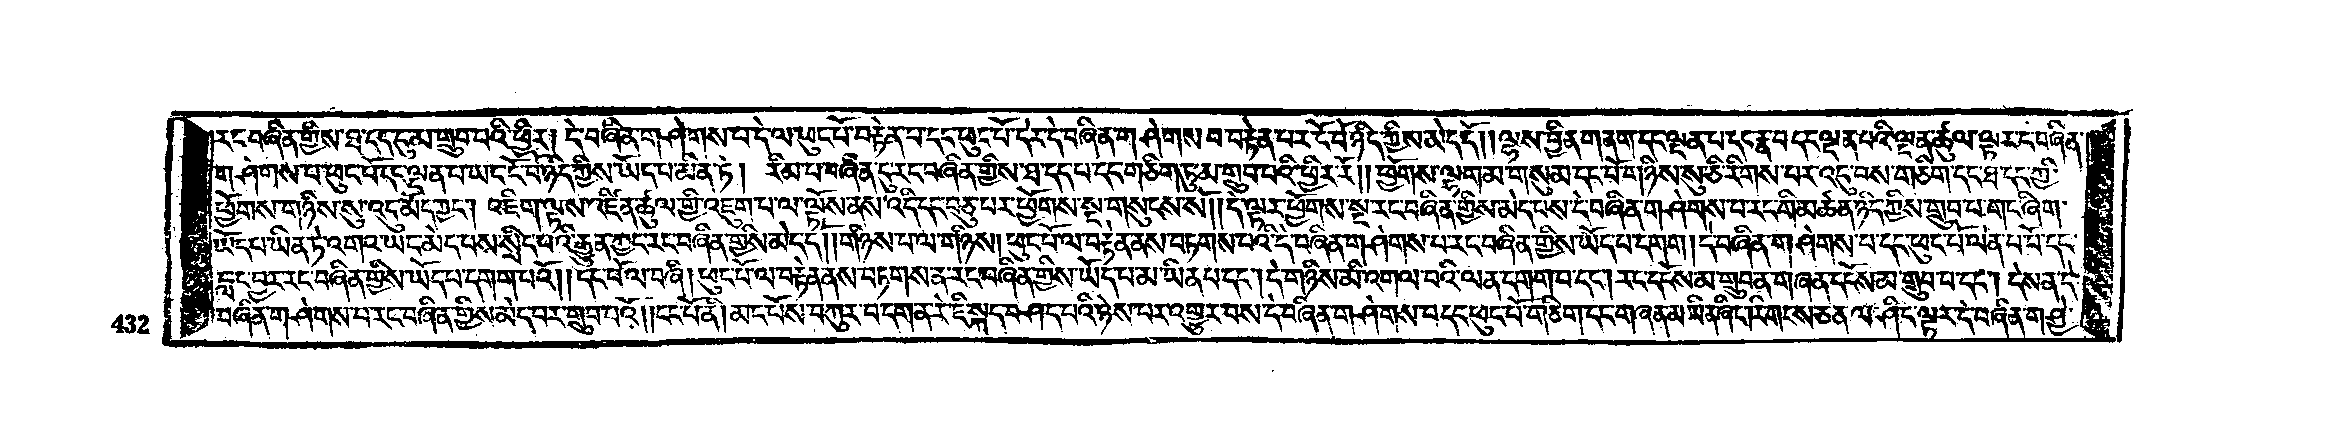རང་བཞིན་གྱིས་ཐ་དད་དུ་མ་གྲུབ་པའི་ཕྱིར། དེ་བཞིན་གཤེགས་པ་དེ་ལ་ཕུང་པོ་བརྟེན་པ་དང་ཕུང་པོ་དེར་དེ་བཞིན་གཤེགས་པ་བརྟེན་པར་ངོ་བོ་ཉིད་ཀྱིས་མེད་དོ། །ལྷས་བྱིན་གནག་དང་ལྡན་པ་དང་རྣ་བ་དང་ལྡན་པའི་ལྡན་ཚུལ་ལྟར་དེ་བཞིན་
གཤེགས་པ་ཕུང་པོ་དང་ལྡན་པ་ཡང་ངོ་བོ་ཉིད་ཀྱིས་ཡོད་པ་མིན་ཏེ། རིམ་པ་བཞིན་དུ་རང་བཞིན་གྱིས་ཐ་དད་པ་དང་གཅིག་ཏུ་མ་གྲུབ་པའི་ཕྱིར་རོ། །ཕྱོགས་ལྷག་མ་གསུམ་དང་པོ་གཉིས་སུ་ཅི་རིགས་པར་འདུ་བས་གཅིག་དང་ཐ་དད་ཀྱི་
ཕྱོགས་གཉིས་སུ་འདུ་མོད་ཀྱང་། འཇིག་ལྟས་འཛིན་ཚུལ་གྱི་འཇུག་པ་ལ་ལྟོས་ནས་འདི་དང་བཅུ་པར་ཕྱོགས་སྔ་གསུངས་སོ། །དེ་ལྟར་ཕྱོགས་སྔ་རང་བཞིན་གྱིས་མེད་པས་དེ་བཞིན་གཤེགས་པ་རང་གི་མཚན་ཉིད་ཀྱིས་གྲུབ་པ་གང་ཞིག་
ཡོད་པ་ཡིན་ཏེ་འགའ་ཡང་མེད་པས་སྲིད་པའི་རྒྱུན་ཀྱང་རང་བཞིན་གྱིས་མེད་དོ། །གཉིས་པ་ལ་གཉིས། ཕུང་པོ་ལ་བརྟེན་ནས་བཏགས་པའི་དེ་བཞིན་གཤེགས་པ་རང་བཞིན་གྱིས་ཡོད་པ་དགག། དེ་བཞིན་གཤེགས་པ་དང་ཕུང་པོ་ལེན་པ་པོ་དང་
བླང་བྱར་རང་བཞིན་གྱིས་ཡོད་པ་དགག་པའོ། །དང་པོ་ལ་བཞི། ཕུང་པོ་ལ་བརྟེན་ནས་བཏགས་ན་རང་བཞིན་གྱིས་ཡོད་པ་མ་ཡིན་པ་དང་། དེ་གཉིས་མི་འགལ་བའི་ལན་དགག་པ་དང་། རང་དངོས་མ་གྲུབ་ན་གཞན་དངོས་མ་གྲུབ་པ་དང་། དེས་ན་དེ་
བཞིན་གཤེགས་པ་རང་བཞིན་གྱིས་མེད་པར་གྲུབ་པའོ། །དང་པོ་ནི། མང་པོས་བཀུར་བ་དག་ན་རེ་ཇི་སྐད་བཤད་པའི་ཉེས་པར་འགྱུར་པས་དེ་བཞིན་གཤེགས་པ་དང་ཕུང་པོ་གཅིག་དང་གཞན་མ་ཡིན་ཞིང་། རི་གངས་ཅན་ལ་ཤིང་ལྟར་དེ་བཞིན་གཤྱེ་